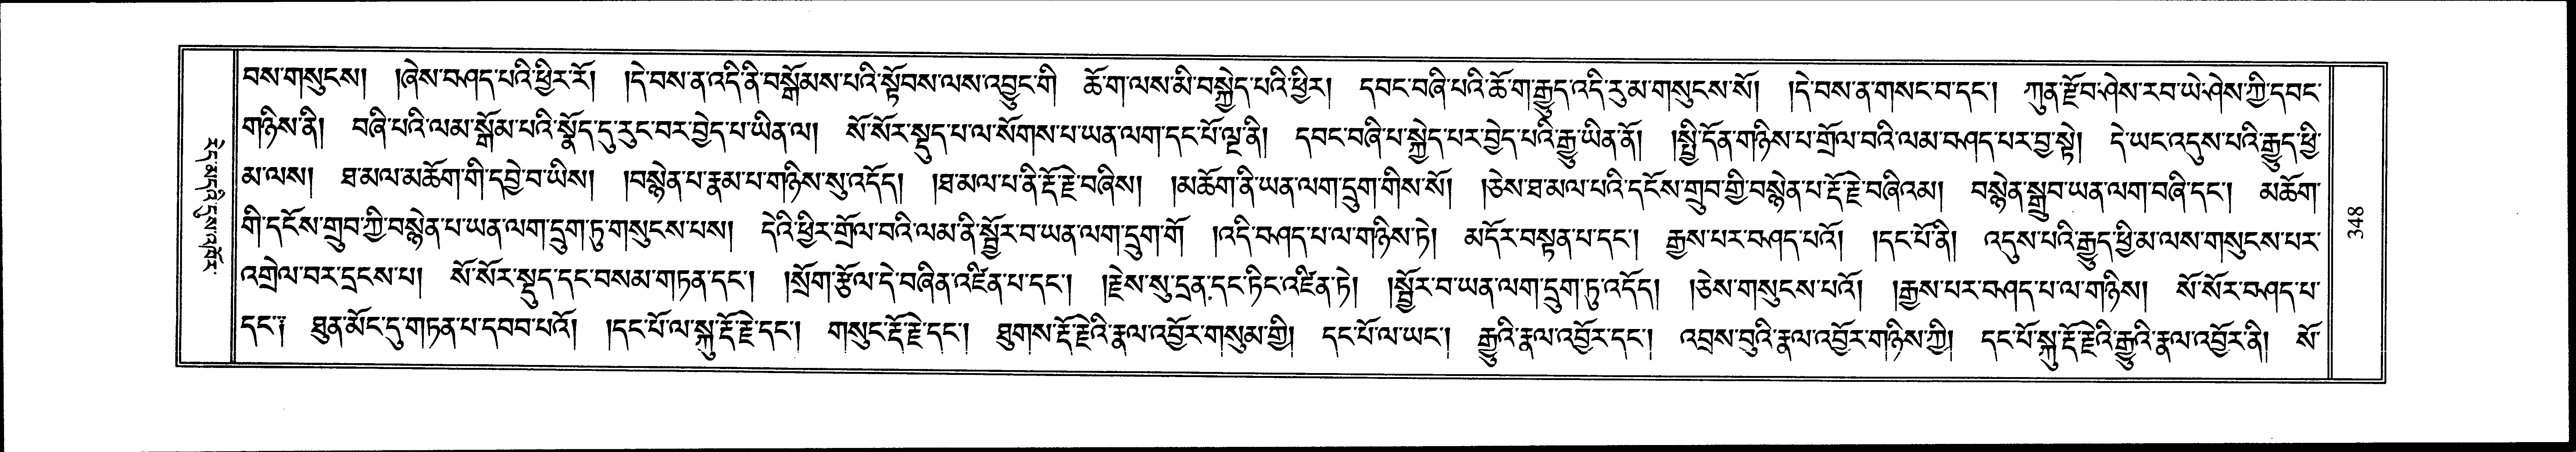བས་གསུངས། །ཞེས་བཤད་པའི་ཕྱིར་རོ། །དེ་བས་ན་འདི་ནི་བསྒོམས་པའི་སྟོབས་ལས་འབྱུང་གི །ཆོ་ག་ལས་མི་བསྐྱེད་པའི་ཕྱིར། དབང་བཞི་པའི་ཆོ་ག་རྒྱུད་འདི་རུ་མ་གསུངས་སོ། །དེ་བས་ན་གསང་བ་དང་། ཀུན་རྫོབ་ཤེས་རབ་ཡེ་ཤེས་ཀྱི་དབང་
གཉིས་ནི། བཞི་པའི་ལམ་སྒོམ་པའི་སྣོད་དུ་རུང་བར་བྱེད་པ་ཡིན་ལ། སོ་སོར་སྡུད་པ་ལ་སོགས་པ་ཡན་ལག་དང་པོ་ལྔ་ནི། དབང་བཞི་པ་སྐྱེད་པར་བྱེད་པའི་རྒྱུ་ཡིན་ནོ། །སྤྱི་དོན་གཉིས་པ་གྲོལ་བའི་ལམ་བཤད་པར་བྱ་སྟེ། དེ་ཡང་འདུས་པའི་རྒྱུད་ཕྱི་
མ་ལས། ཐ་མལ་མཆོག་གི་དབྱེ་བ་ཡིས། །བསྙེན་པ་རྣམ་པ་གཉིས་སུ་འདོད། །ཐ་མལ་པ་ནི་རྡོ་རྗེ་བཞིས། །མཆོག་ཏུ་ཡན་ལག་དྲུག་གིས་སོ། །ཅེས་ཐ་མལ་པའི་དངོས་གྲུབ་གྱི་བསྙེན་པ་རྡོ་རྗེ་བཞིའམ། བསྙེན་སྒྲུབ་ཡན་ལག་བཞི་དང་། མཆོག་
གི་དངོས་གྲུབ་ཀྱི་བསྙེན་པ་ཡན་ལག་དྲུག་ཏུ་གསུངས་པས། དེའི་ཕྱིར་གྲོལ་བའི་ལམ་ནི་སྦྱོར་བ་ཡན་ལག་དྲུག་གོ །འདི་བཤད་པ་ལ་གཉིས་ཏེ། མདོར་བསྟན་པ་དང་། རྒྱས་པར་བཤད་པའོ། །དང་པོ་ནི། འདུས་པའི་རྒྱུད་ཕྱི་མ་ལས་གསུངས་པར་
འགྲེལ་བར་དྲངས་པ། སོ་སོར་སྡུད་དང་བསམ་གཏན་དང་། །སྲོག་རྩོལ་དེ་བཞིན་འཛིན་པ་དང་། །རྗེས་སུ་དྲན་དང་ཏིང་འཛིན་ཏེ། །སྦྱོར་བ་ཡན་ལག་དྲུག་ཏུ་འདོད། །ཅེས་གསུངས་པའོ། །རྒྱས་པར་བཤད་པ་ལ་གཉིས། སོ་སོར་བཤད་པ་
དང་། ཐུན་མོང་དུ་གཏན་པ་དབབ་པའོ། །དང་པོ་ལ་སྐུ་རྡོ་རྗེ་དང་། གསུང་རྡོ་རྗེ་དང་། ཐུགས་རྡོ་རྗེའི་རྣལ་འབྱོར་གསུམ་གྱི། དང་པོ་ལ་ཡང་། རྒྱུའི་རྣལ་འབྱོར་དང་། འབྲས་བུའི་རྣལ་འབྱོར་གཉིས་ཀྱི། དང་པོ་སྐུ་རྡོ་རྗེའི་རྒྱུའི་རྣལ་འབྱོར་ནི། སོ་